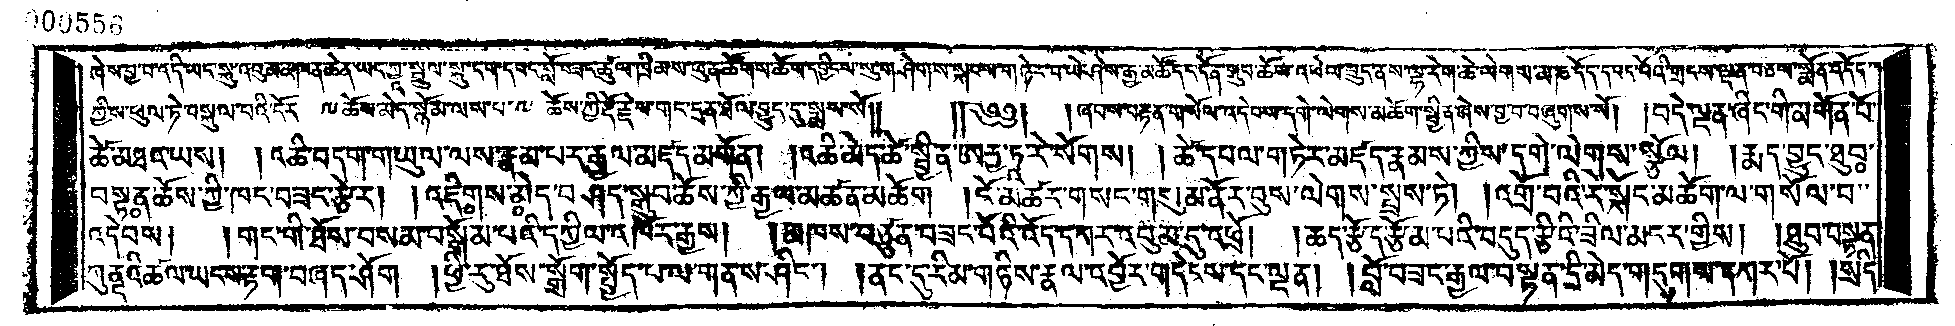ཞེས་བྱ་བ་འདི་ཡང་སྐུ་འབུམ་མཁན་ཆེན་ཡང་ཀྱཱ་སྤྲུལ་སྐུ་ངག་དབང་བློ་བཟང་ཚུལ་ཁྲིམས་ཕུན་ཚོགས་ཆོས་དབྱིངས་སུ་གཤེགས་སྐབས་གཉེར་བ་ཡེ་ཤེས་རྒྱ་མཚོ་དང་དོན་གྲུབ་ཆོས་འཕེལ་ཟུང་ནས་ལྷ་རེག་ཆེ་ལེགས་མཎ་དོད་དབང་པོའི་གྲངས་ལྡན་བཅས་སྨོན་འདོད་
ཀྱིས་ཕུལ་ཏེ་བསྐུལ་བའི་ངོར་༧་ཆོས་མེད་སྙོམ་ལས་པ་༧་ཆོས་ཀྱི་རྡོ་རྗེས་གང་དྲན་ཐོལ་བྱུང་དུ་སྨྲས་སོ།། །།༄༅། །ཞབས་བརྟན་གསོལ་འདེབས་དགེ་ལེགས་མཆོག་སྦྱིན་ཞེས་བྱ་བ་བཞུགས་སོ། །བདེ་ལྡན་ཞིང་གི་མགོན་པོ་
ཚེ་མཐའ་ཡས། །འཆི་བདག་གཡུལ་ལས་རྣམ་པར་རྒྱལ་མཛད་མགོན། །འཆི་མེད་ཚེ་སྦྱིན་ཨརྱ་ཏཱ་རེ་སོགས། །ཚེ་དཔལ་གཏེར་མཛད་རྣམས་ཀྱིས་དགེ་ལེགས་སྩོལ། །རྨད་བྱུང་ཐུབ྾་
བསྟན྾་ཆོས་ཀྱི་ཁང་བཟང་རྩེར། །འཇིགས྾་མེད྾་བཤད་སྒྲུབ་ཆོས་ཀྱི་རྒྱལ་མཚན་མཆོག །ངོ་མཚར་གསང་གསུམ་ནོར་བུས་ལེགས་སྤྲས་ཏེ། །འགྲོ་བའི་རེ་སྐོང་མཆོག་ལ་གསོལ་བ་
འདེབས། །གང་གི་ཐོས་བསམ་བསྒོམ་པའི་དཀྱིལ་འཁོར་རྒྱས། །མཁས་བཙུན་བཟང་པོའི་འོད་དཀར་འབུམ་དུ་འཕྲོ། །ཆད་རྩོད་རྩོམ་པའི་བདུད་རྩིའི་ཟིལ་མངར་གྱིས། །ཐུབ་བསྟན་
ཀུནྡའི་ཚལ་ཡངས་རྟག་བཞད་ཤོག །ཕྱི་རུ་ཐོས་སྒྲོག་སྤྱོད་པ་ལ་གནས་ཤིང་། །ནང་དུ་རིམ་གཉིས་རྣལ་འབྱོར་གདེངས་དང་ལྡན། །བློ་བཟང་རྒྱལ་བསྟན་དྲི་མེད་གདུགས་དཀར་པོ། །སྲིད་